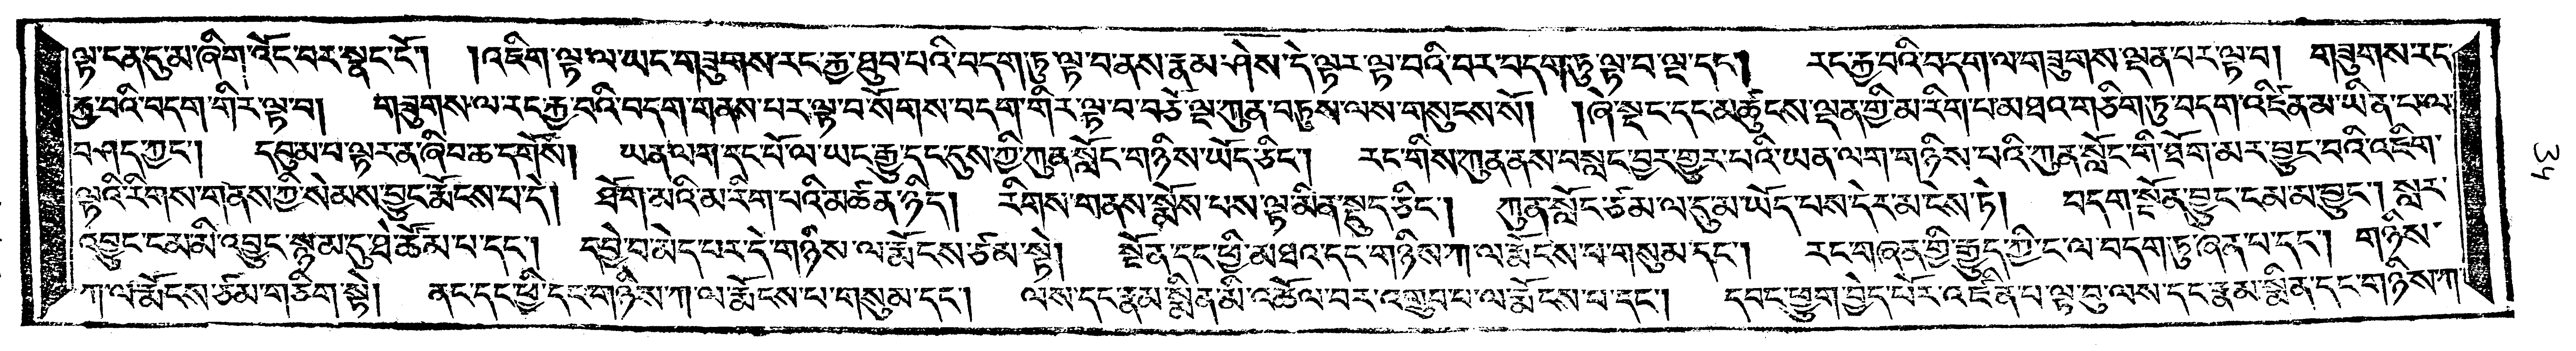ལྟ་ངན་དུ་མ་ཞིག་འོང་བར་སྣང་ངོ། །འཇིག་ལྟ་ལ་ཡང་གཟུགས་རང་རྐྱ་ཐུབ་པའི་བདག་ཏུ་ལྟ་བ་ནས་རྣམ་ཤེས་དེ་ལྟར་ལྟ་བའི་བར་བདག་ཏུ་ལྟ་བ་ལྔ་དང་། རང་རྐྱ་བའི་བདག་ལ་གཟུགས་ལྡན་པར་ལྟ་བ། གཟུགས་རང་
རྐྱ་བའི་བདག་གིར་ལྟ་བ། གཟུགས་ལ་རང་རྐྱ་བའི་བདག་གནས་པར་ལྟ་བ་སོགས་བདག་གིར་ལྟ་བ་བཅོ་ལྔ་ཀུན་བཏུས་ལས་གསུངས་སོ། །ཞེ་སྡང་དང་མཚུངས་ལྡན་གྱི་མ་རིག་པ་མཐའ་གཅིག་ཏུ་བདག་འཛིན་མ་ཡིན་པ་ལ་
བཤད་ཀྱང་། དབུམ་པ་ལྟར་ན་ཞིབ་ཆ་དགོས། ཡན་ལག་དང་པོ་ལ་ཡང་རྒྱུ་དང་དུས་ཀྱི་ཀུན་སློང་གཉིས་ཡོད་ཅིང་། རང་གིས་ཀུན་ནས་བསླང་བྱར་གྱུར་པའི་ཡན་ལག་གཉིས་པའི་ཀུན་སློང་གི་ཐོག་མར་བྱུང་བའི་འཇིག་
ལྟའི་རིགས་གནས་ཀྱི་སེམས་བྱུང་རྨོངས་པ་དེ། ཐོག་མའི་མ་རིག་པའི་མཚན་ཉིད། རིགས་གནས་སྨོས་པས་ལྟ་མིན་སྡུད་ཅིང་། ཀུན་སློང་ཙམ་ལ་དུ་མ་ཡོད་པས་དེར་མ་ངེས་ཏེ། བདག་སྔོན་བྱུང་ངམ་མ་བྱུང་། སླར་
འབྱུང་ངམ་མི་འབྱུང་སྙམ་དུ་ཐེ་ཚོམ་པ་དང་། དབྱེ་བ་མེད་པར་དེ་གཉིས་ལ་རྨོངས་ཙམ་སྟེ། སྔོན་དང་ཕྱི་མཐའ་དང་གཉིས་ཀ་ལ་རྨོངས་པ་གསུམ་དང་། རང་གཞན་གྱི་རྒྱུད་ཀྱི་ང་ལ་བདག་ཏུ་ཞན་པ་དང་། གཉིས་
ཀ་ལ་རྨོངས་ཙམ་གཅིག་སྟེ། ནང་དང་ཕྱི་དང་གཉིས་ཀ་ལ་རྨོངས་པ་གསུམ་དང་། ལས་དང་རྣམ་སྨིན་མི་འཆོལ་བར་འགྲུབ་ཕ་ལ་རྨོངས་པ་དང་། དབང་ཕྱུག་བྱེད་པོར་འཛིན་པ་ལྟ་བུ་ལས་དང་རྣམ་སྨིན་དང་གཉིས་ཀ་